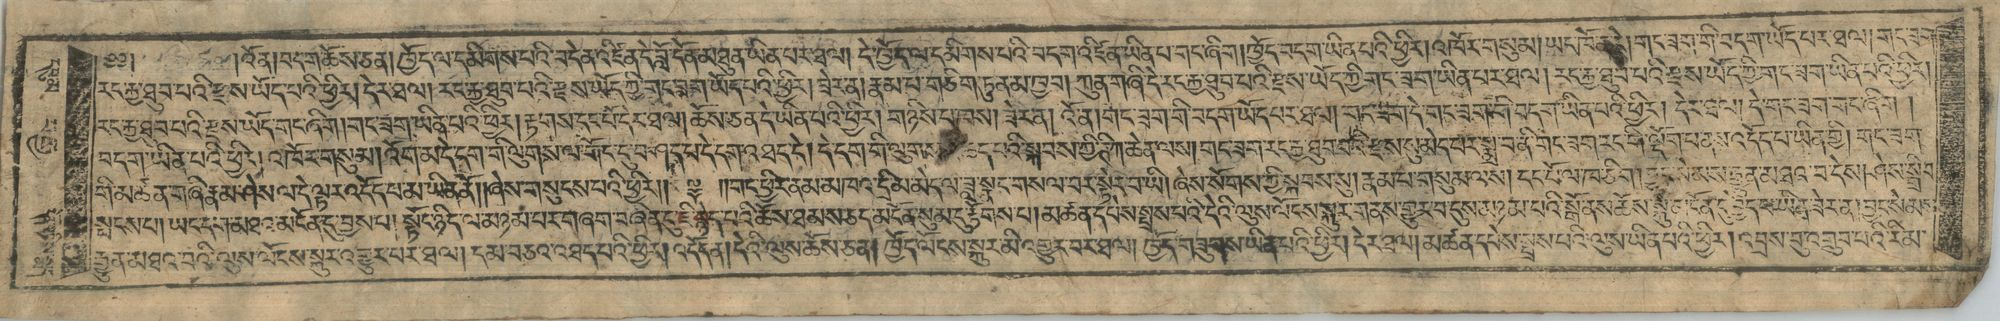༄༅། །འོ་ན། བདག་ཆོས་ཅན། ཁྱོད་ལ་དམིགས་པའི་བདེན་འཛིན་དེ་བློ་དོན་མཐུན་ཡིན་པར་ཐལ། དེ་ཁྱོད་ལ་དམིགས་པའི་བདག་འཛིན་ཡིན་པ་གང་ཞིག །ཁྱོད་བདག་ཡིན་པའི་ཕྱིར། འཁོར་གསུམ། ཡང་ཁོ་ན་རེ། གང་ཟག་གི་བདག་ཡོད་པར་ཐལ། གང་ཟག་
རང་རྐྱ་ཐུབ་པའི་རྫས་ཡོད་པའི་ཕྱིར། དེར་ཐལ། རང་རྐྱ་ཐུབ་པའི་རྫས་ཡོད་ཀྱི་གང་ཟག་ཡོད་པའི་ཕྱིར། ཟེར་ན། རྣམ་པ་གཅིག་ཏུ་ན་མ་ཁྱབ། ཀུན་གཞི་དེ་རང་རྐྱ་ཐུབ་པའི་རྫས་ཡོད་ཀྱི་གང་ཟག་ཡིན་པར་ཐལ། རང་རྐྱ་ཐུབ་པའི་རྫས་ཡོད་ཀྱི་གང་ཟག་ཡིན་པའི་ཕྱིར།
རང་རྐྱ་ཐུབ་པའི་རྫས་ཡོད་གང་ཞིག །གང་ཟག་ཡིན་པའི་ཕྱིར། རྟགས་དང་པོ་དེར་ཐལ། ཆོས་ཅན་དེ་ཡིན་པའི་ཕྱིར། གཉིས་པ་ཁས། ཟེར་ན། འོ་ན། གང་ཟག་གི་བདག་ཡོད་པར་ཐལ། གང་ཟག་དེ་གང་ཟག་གི་བདག་ཡིན་པའི་ཕྱིར། དེར་ཐལ། དེ་གང་ཟག་གང་ཞིག །
བདག་ཡིན་པའི་ཕྱིར། འཁོར་གསུམ། འོག་མ་དེ་དག་གི་ལུགས་ལ་གོང་དུ་བཤད་པ་དེ་དག་འཐད་དེ། དེ་དག་གི་ལུགས་འཆད་པའི་སྐབས་ཀྱི་ཊིཀ་ཆེན་ལས། གང་ཟག་རང་རྐྱ་ཐུབ་པའི་རྫས་སུ་མེད་པར་སྨྲ་བ་ནི་གང་ཟག་རང་གི་ལྡོག་པ་ནས་འདོད་པ་ཡིན་གྱི། གང་ཟག་
གི་མཚན་གཞི་རྣམ་ཤེས་ལ་དེ་ལྟར་འདོད་པ་མ་ཡིན་ནོ། །ཞེས་གསུངས་པའི་ཕྱིར།། ༈ །།གང་ཕྱིར་ནམ་མཁའ་དྲི་མ་མེད་ལ་ཟླ་སྣང་གསལ་བར་སྟེར་བ་ཡི། ཞེས་སོགས་ཀྱི་སྐབས་སུ། རྣམ་པ་གསུམ་ལས། དང་པོ་ལ་ཁ་ཅིག །བྱང་སེམས་རྒྱུན་མཐའ་བ་དེས། ཤེས་སྒྲིབ་
སྤངས་པ། ཡང་དག་མཐའ་མངོན་དུ་བྱས་པ། སྟོང་ཉིད་ལ་མཉམ་པར་གཞག་བཞིན་དུ་ཇི་སྙེད་པའི་ཆོས་ཐམས་ཅད་མངོན་སུམ་དུ་རྟོགས་པ། མཚན་དཔེས་སྤྲས་པའི་དེའི་ལུས་ལོངས་སྐུར་གནས་གྱུར་བ་དུས་མཉམ་པའི་སྒོ་ནས་ཆོས་སྐུ་མངོན་དུ་བྱེད་པ་ཡིན་ཟེར་ན། བྱང་སེམས་
རྒྱུན་མཐའ་བའི་ལུས་ལོངས་སྐུར་འགྱུར་བར་ཐལ། དམ་བཅའ་འཐད་པའི་ཕྱིར། འདོད་ན། དེའི་ལུས་ཆོས་ཅན། ཁྱོད་ལོངས་སྐུར་མི་འགྱུར་བར་ཐལ། ཁྱོད་གཟུགས་ཡིན་པའི་ཕྱིར། དེར་ཐལ། མཚན་དཔེས་སྤྲས་པའི་ལུས་ཡིན་པའི་ཕྱིར། འབྲས་བུ་འགྲུབ་པའི་རིམ་